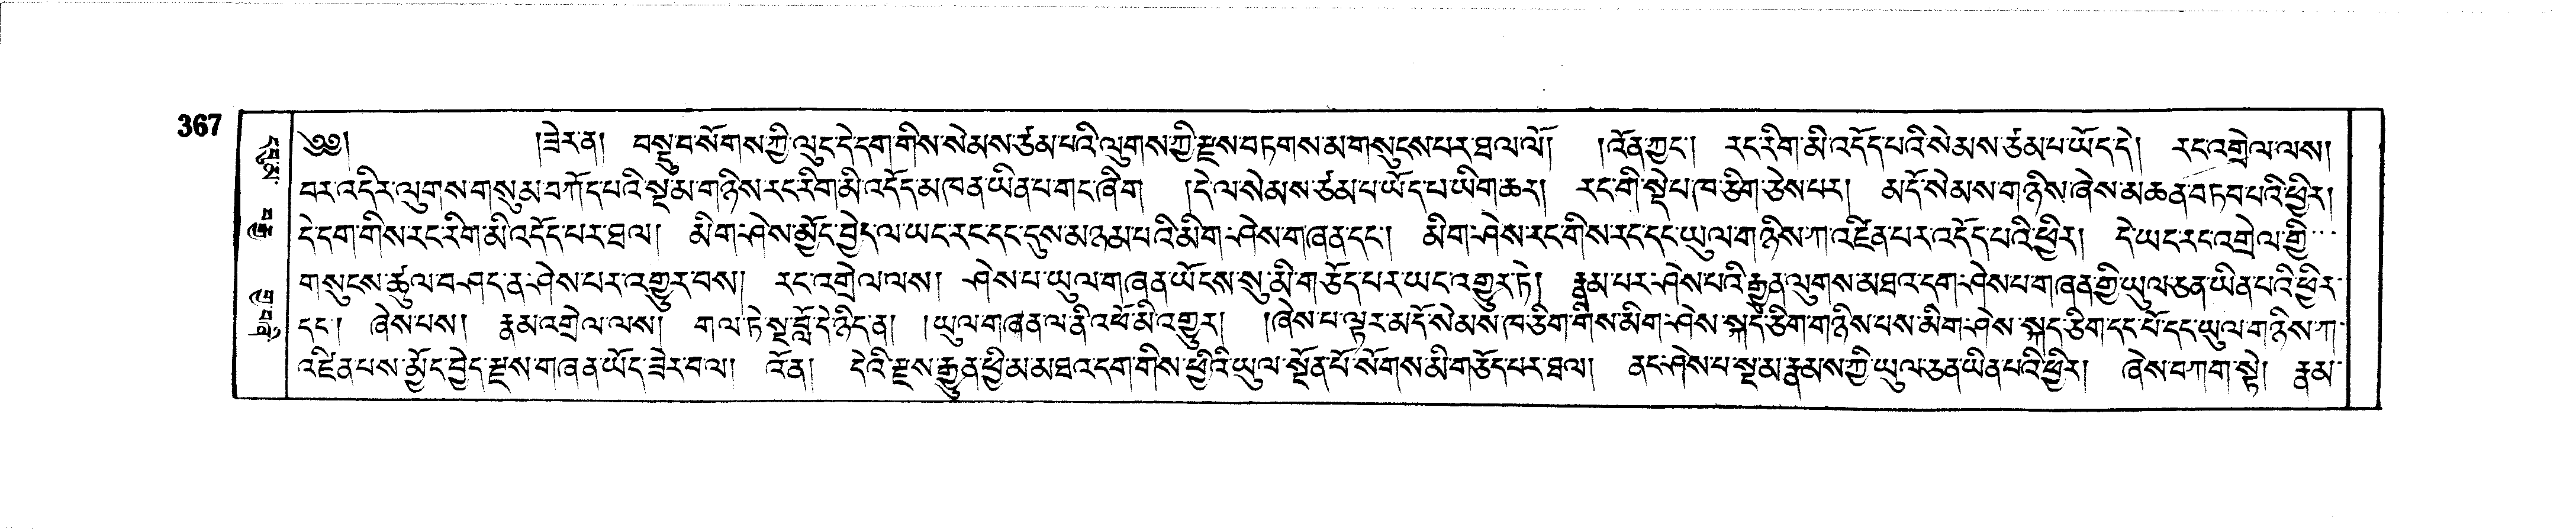༄༅། །ཟེར་ན། བསྡུ་བ་སོགས་ཀྱི་ལུང་དེ་དག་གིས་སེམས་ཙམ་པའི་ལུགས་ཀྱི་རྫས་བཏགས་མ་གསུངས་པར་ཐལ་ལོ། །འོན་ཀྱང་། རང་རིག་མི་འདོད་པའི་སེམས་ཙམ་པ་ཡོད་དེ། རང་འགྲེལ་ལས།
བར་འདིར་ལུགས་གསུམ་བཀོད་པའི་སྔ་མ་གཉིས་རང་རིག་མི་འདོད་མཁན་ཡིན་པ་གང་ཞིག །དེ་ལ་སེམས་ཙམ་པ་ཡོད་པ་ཡིག་ཆར། རང་གི་སྡེ་པ་ཁ་ཅིག་ཅེས་པར། མདོ་སེམས་གཉིས་ཞེས་མཆན་བཏབ་པའི་ཕྱིར།
དེ་དག་གིས་རང་རིག་མི་འདོད་པར་ཐལ། མིག་ཤེས་མྱོང་བྱེད་ལ་ཡང་རང་དང་དུས་མཉམ་པའི་མིག་ཤེས་གཞན་དང་། མིག་ཤེས་རང་གིས་རང་དང་ཡུལ་གཉིས་ཀ་འཛིན་པར་འདོད་པའི་ཕྱིར། དེ་ཡང་རང་འགྲེལ་གྱི་
གསུངས་ཚུལ་བཤད་ན་ཤེས་པར་འགྱུར་བས། རང་འགྲེལ་ལས། ཤེས་པ་ཡུལ་གཞན་ཡོངས་སུ་མི་གཅོད་པར་ཡང་འགྱུར་ཏེ། རྣམ་པར་ཤེས་པའི་རྒྱུན་ལུགས་མཐའ་དག་ཤེས་པ་གཞན་གྱི་ཡུལ་ཅན་ཡིན་པའི་ཕྱིར་
དང་། ཞེས་པས། རྣམ་འགྲེལ་ལས། གལ་ཏེ་སྔ་བློ་དེ་ཉིད་ན། །ཡུལ་གཞན་ལ་ནི་འཕོ་མི་འགྱུར། །ཞེས་པ་ལྟར་མདོ་སེམས་ཁ་ཅིག་གིས་མིག་ཤེས་སྐད་ཅིག་གཉིས་པས་མིག་ཤེས་སྐད་ཅིག་དང་པོ་དང་ཡུལ་གཉིས་ཀ་
འཛིན་པས་མྱོང་བྱེད་རྫས་གཞན་ཡོད་ཟེར་བ་ལ། འོ་ན། དེའི་རྫས་རྒྱུན་ཕྱི་མ་མཐའ་དག་གིས་ཕྱིའི་ཡུལ་སྔོན་པོ་སོགས་མི་གཅོད་པར་ཐལ། ནང་ཤེས་པ་སྔ་མ་རྣམས་ཀྱི་ཡུལ་ཅན་ཡིན་པའི་ཕྱིར། ཞེས་བཀག་སྟེ། རྣམ་